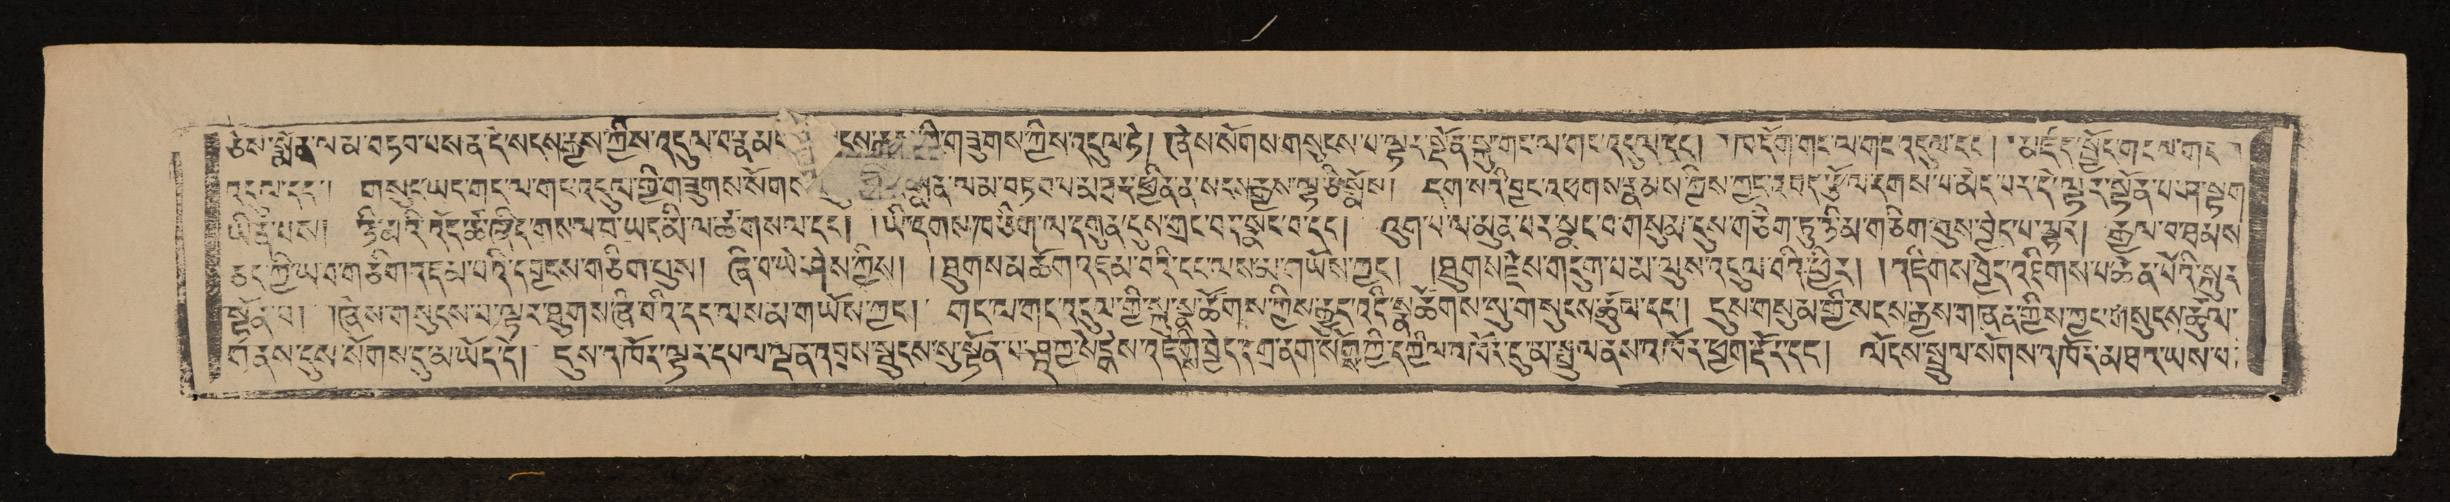ཅེས་སྨོན་ལམ་བཏབ་པས་ན་དེ་སངས་རྒྱས་ཀྱིས་འདུལ་བ་རྣམས་ནི་སངས་རྒྱས་ཀྱི་གཟུགས་ཀྱིས་འདུལ་ཏེ། ཞེས་སོགས་གསུངས་པ་ལྟར་སྔོན་སྐུ་གང་ལ་གང་འདུལ་དང་། ཁ་དོག་གང་ལ་གང་འདུལ་དང་། མཛད་སྤྱོད་གང་ལ་གང་
འདུལ་དང་། གསུང་ཡང་གང་ལ་གང་འདུལ་གྱི་གཟུགས་སོགས་འགྲུབ་པར་སྨོན་ལམ་བཏབ་པ་མཐར་ཕྱིན་ན་སངས་རྒྱས་ལྟ་ཅི་སྨོས། དག་སའི་བྱང་འཕགས་རྣམས་ཀྱིས་ཀྱང་འབད་རྩོལ་རགས་པ་མེད་པར་དེ་ལྟར་སྟོན་པ་ཤ་སྟག་
ཡིན་པས། ཉི་མའི་འོད་ཚ་ཞིང་གསལ་བ་ཡང་མི་ལ་ཚ་གསལ་དང་། ཡི་དྭགས་ཁ་ཅིག་ལ་དགུན་དུས་གྲང་བར་སྣང་བ་དང་། འུག་པ་ལ་མུན་པར་སྣང་བ་གསུམ་དུས་གཅིག་ཏུ་ཉི་མ་གཅིག་པུས་བྱེད་པ་ལྟར། རྒྱལ་བ་ཐམས་
ཅད་ཀྱི་ཡབ་གཅིག་འཇམ་པའི་དབྱངས་གཅིག་པུས། ཞི་བ་ཡེ་ཤེས་ཀྱིས། ཐུགས་མཆོག་འཇམ་པའི་ངང་ལས་མ་གཡོས་ཀྱང་། །ཐུགས་རྗེས་གདུག་པ་མ་ལུས་འདུལ་བའི་ཕྱིར། །འཇིགས་བྱེད་འཇིགས་པ་ཆེན་པོའི་སྐུར་
སྟོན་པ། །ཞེས་གསུངས་པ་ལྟར་ཐུགས་ཞི་བའི་ངང་ལས་མ་གཡོས་ཀྱང་། གང་ལ་གང་འདུལ་གྱི་སྐུ་སྣ་ཚོགས་ཀྱིས་རྒྱུད་འདི་སྣ་ཚོགས་སུ་གསུངས་ཚུལ་དང་། དུས་གསུམ་གྱི་སངས་རྒྱས་གཞན་གྱིས་ཀྱང་གསུངས་ཚུལ་
གནས་དུས་སོགས་དུ་མ་ཡོད་དེ། དུས་འཁོར་ལྟར་དཔལ་ལྡན་འབྲས་སྤུངས་སུ་སྟོན་པ་ཤཱཀྱ་སེངྒེས་འཇིགས་བྱེད་དགྲ་ནག་སོགས་ཀྱི་དཀྱིལ་འཁོར་དུ་མ་སྤྲུལ་ནས་འཁོར་ཕྱག་རྡོར་དང་། ལོངས་སྤྲུལ་སོགས་འཁོར་མཐའ་ཡས་པ་